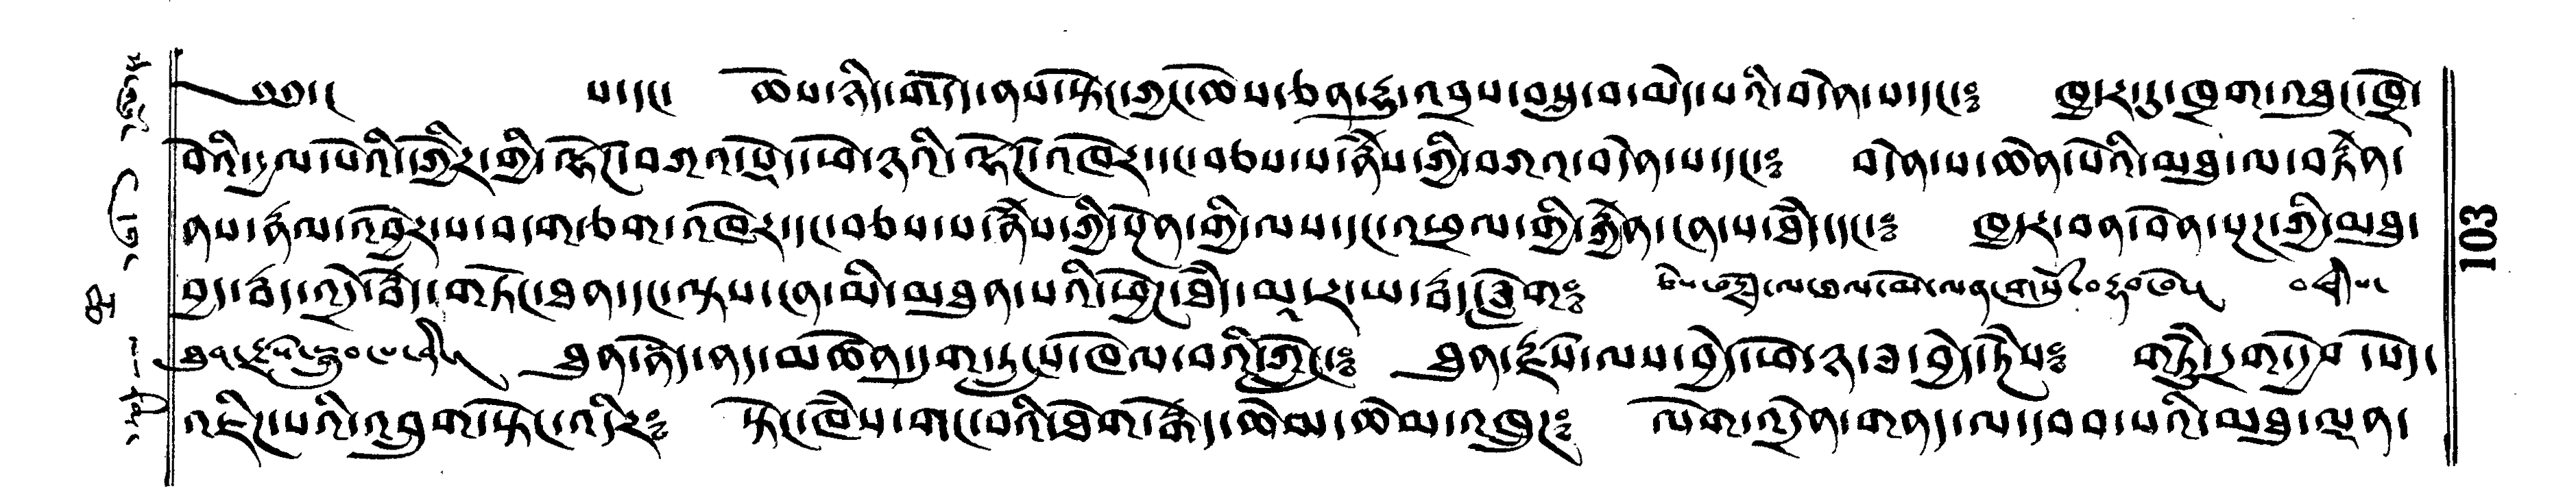པ་དང་། ཆོས་ཉིད་གདོད་ནས་སྟོང་ཀྱང་ཆོས་ཅན་རྒྱུ་འབྲས་བསླུ་བ་མེད་པའི་བདེན་པ་དང་། ཁྱད་པར་དུ་ཁྲག་འཐུང་ཁྲོ་
བོའི་རྒྱལ་པོའི་དཀྱིལ་འཁོར་གྱི་ལྷ་ཚོགས་བཀའ་སྡོད་ཕོ་ཉའི་ལྷ་ཚོགས་འཁོར་དང་བཅས་པ་རྣམས་ཀྱི་བཀའ་བདེན་པ་དང་། བདེན་པ་ཆེན་པོའི་མཐུ་ལ་བརྟེན་
ནས་རྣལ་འབྱོར་པ་བདག་ཅག་འཁོར་དང་བཅས་པ་རྣམས་ཀྱི་སྔོན་གྱི་ལས་དང་འཕྲལ་གྱི་རྐྱེན་ངན་པ་ཐམས་ཅད་དང་། ཁྱད་པར་བན་བོན་སྔགས་ཀྱི་མཐུ་
བྱད་རྦད་འདྲེ་རྦོད་གཏོང་ཐན་དང་ལྟས་ངན་མི་མཐུན་པའི་ཕྱོགས་ཐམས་ཅད་མཱ་ར་ཡ་རྦད་ཟློག ཅེས་བརྗོད་ལ་ཐལ་མོ་ལན་གསུམ་བརྡབ་བོ། བཞི་པ་
ཐུན་རྫས་སྒྲུབ་པ་ནི། ཐུན་སྣོད་ནད་མཚོན་དུག་རླངས་ཁོལ་བའི་ཀློང༔ ཐུན་རྫས་ལས་བྱེད་ཕོ་ཉ་ཟ་བྱེད་རྔམས༔ གཏུམ་དྲག་རྒྱོབ་སོད་
འཇིགས་པའི་འབྲུག་སྟོང་འདིར༔ སྟོང་ཁམས་གང་བའི་ཐོག་རྒོད་ཆེམ་ཆེམ་འཁྲུགས༔ ལོག་འདྲེན་གནད་ལ་དབབ་པའི་མཐུ་ལྡན་